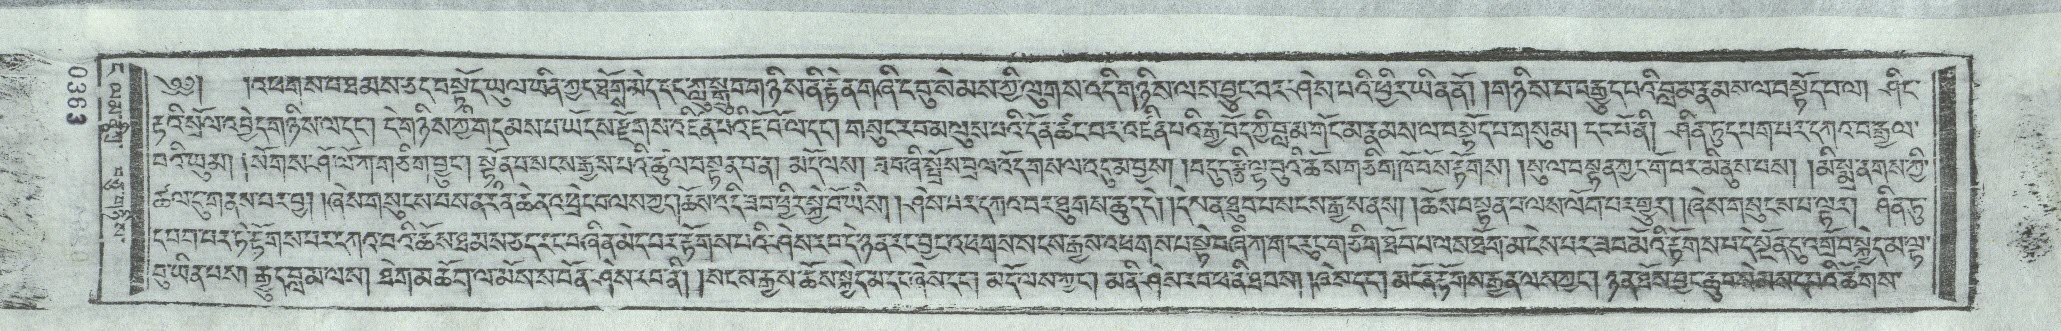༄༅། །འཕགས་པ་ཐམས་ཅད་བསྟོད་ཡུལ་ཡིན་ཀྱང་ཐོགས་མེད་དང་ཀླུ་སྒྲུབ་གཉིས་ནི་རྟེན་གཞི་དབུ་སེམས་ཀྱི་ལུགས་འདི་གཉིས་ལས་བྱུང་བར་ཤེས་པའི་ཕྱིར་ཡིན་ནོ། །གཉིས་པ་བརྒྱུད་པའི་བླ་མ་རྣམས་ལ་བསྟོད་པ་ལ། ཤིང་
?་?སྲོལ་འབྱེད་གཉིས་ལ་དང་། དེ་གཉིས་ཀྱི་གདམས་པ་ཡོངས་རྫོགས་འཛིན་པའི་ཇོ་བོ་ལ་དང་། གསུང་རབ་མ་ལུས་བའི་དོན་ཚང་བར་འཛིན་པའི་རྒྱ་བོད་ཀྱི་བླ་མ་གོང་མ་རྣམས་ལ་བསྟོད་པ་གསུམ། དང་པོ་ནི། ཤིན་ཏུ་དཔག་པར་དཀའ་བ་རྒྱལ་
བའི་ཡུམ། །སོགས་ཤོ་ལོ་ཀ་གཅིག་བྱུང་། སྟོན་པ་སངས་རྒྱས་པའི་ཚུལ་བསྟན་པ་ན། མདོ་ལས། ཟབ་ཞི་སྤྲོས་པྲལ་འོད་གསལ་འདུ་མ་བྱས། །བདུད་རྩི་ལྟ་བུའི་ཆོས་གཅིག་ཁོ་བོས་རྟོགས། །སུ་ལ་བསྟན་ཀྱང་གོ་བར་མི་ནུས་པས། །མི་སྨྲ་ནགས་ཀྱི་
ཚལ་དུ་གནས་པར་བྱ། །ཞེས་གསུངས་པས་ན་རིན་ཆེན་འཕྲེང་བ་ལས་ཀྱང་། ཆོས་འདི་ཟབ་ཕྱིར་སྐྱེ་བོ་ཡིས། ཤེས་པར་དཀའ་བར་ཐུགས་ཆུད་དེ། །དེས་ན་ཐུབ་པ་སངས་རྒྱས་ནས། །ཆོས་བསྟན་པ་ལས་ལོབ་པར་གྱུར། །ཞེས་གསུངས་པ་ལྟར། ཤིན་ཏུ་
དཔག་བར་ཏེ་རྟོགས་པར་དཀའ་བའི་ཆོས་ཐམས་ཅད་རང་བཞིན་མེད་པར་རྟོགས་པའི་ཤེས་རབ་དེ་ཉན་རང་བྱང་འཕགས་སངས་རྒྱས་འཕགས་པ་སྟེ་བཞི་ཀ་གང་རུང་གཅིག་ཐོབ་པ་ལས་ཐོག་མ་ངེས་པར་ཟབ་མོའི་རྟོགས་པ་དེ་སྔོན་དུ་འགྲོང་སྐྱེད་མ་ལྟ་
བུ་ཡིན་པས། རྒྱུད་བླ་མ་ལས། ཐེག་མཆོག་ལ་མོས་ས་བོན་ཤེས་རབ་ནི། །སངས་རྒྱས་ཆོས་སྐྱེད་མ་དང་ཞེས་དང་། མདོ་ལས་ཀྱང་། མ་ནི་ཤེས་རབ་ཕ་ནི་ཐབས། །ཞེས་དང་། མངོན་རོགས་རྒྱན་ལས་ཀྱང་། ཉན་ཐོས་བྱང་ཆུབ་སེམས་དཔའི་ཚོགས་